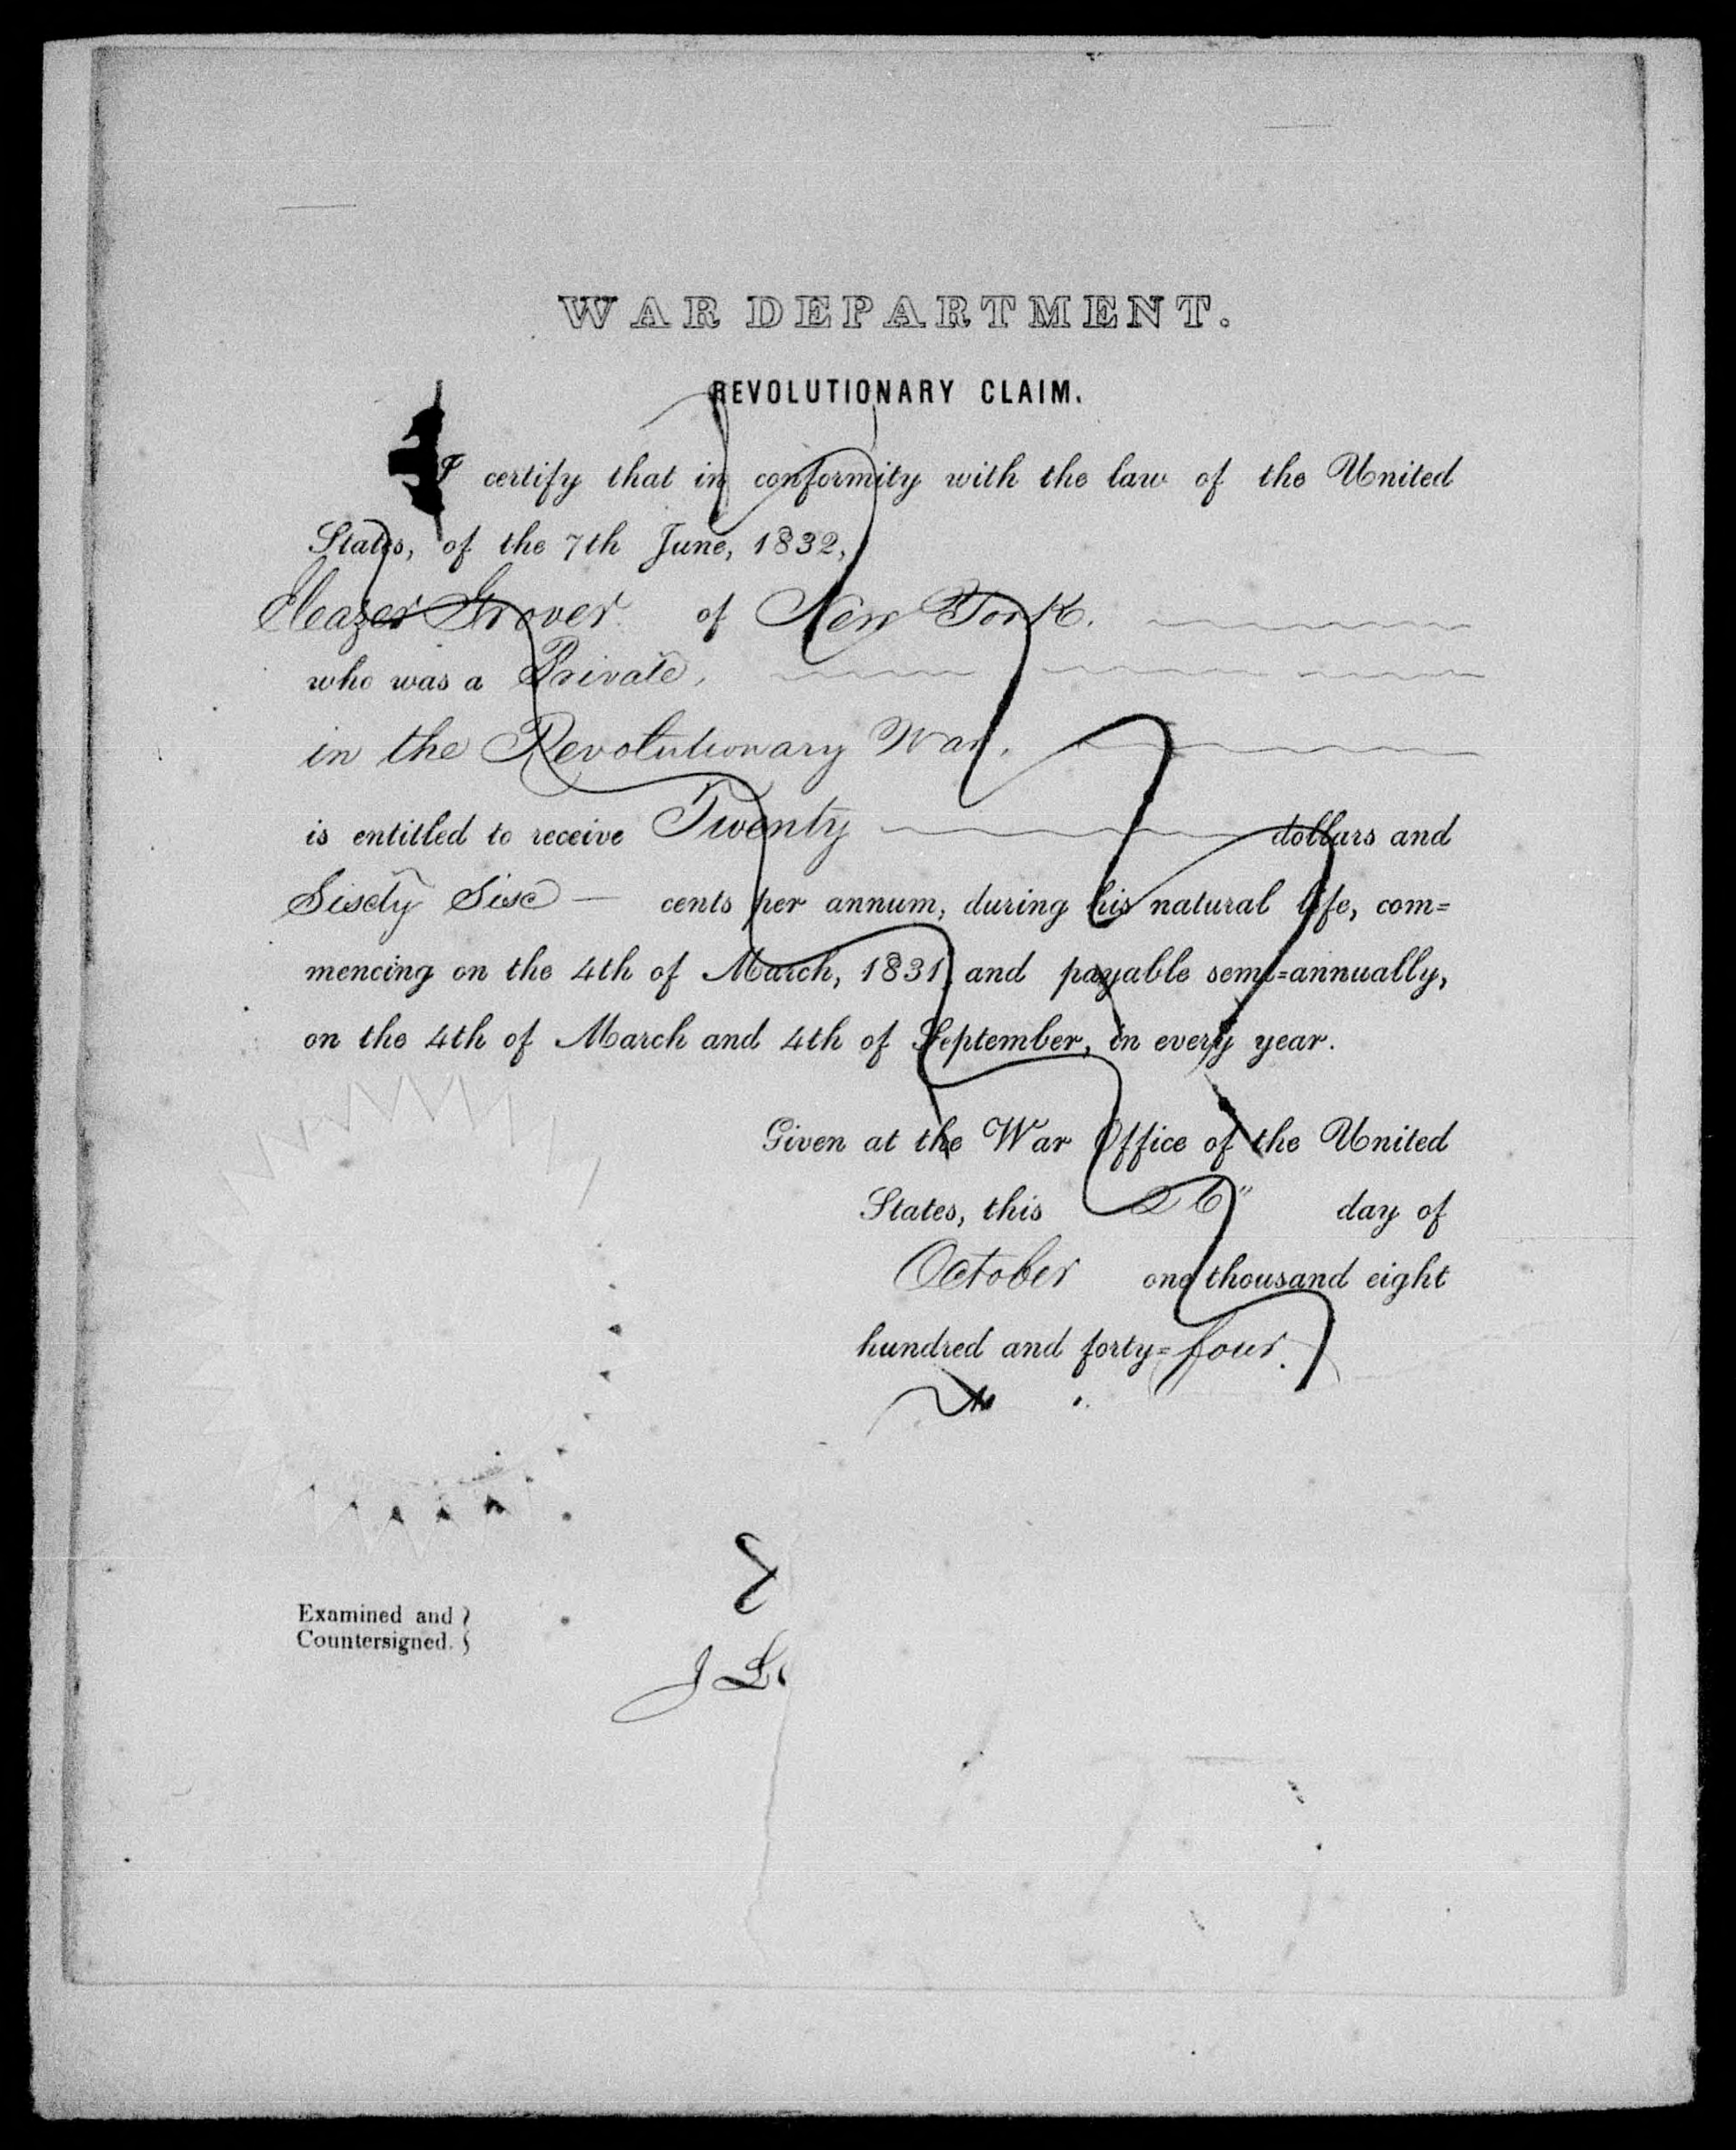['WAR DEPARTMENT. REVOLUTIONARY CLAIM.
I certify that in conformity with the law of the United States, of the 7th June, 1832, Eleazer Grover of New York, who was a Private, in the Revolutionary War, is entitled to receive Twenty dollars and Sixty Six cents per annum, during his natural life, commencing on the 4th of March, 1831 and payable semi=annually, on the 4th of March and 4th of September, in every year.
[official seal affixed] Given at the War Office of the United States, this 26" day of October one thousand eight hundred and forty=four.' crossed out]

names: J L, Eleazer Grover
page: 17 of 43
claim: survivor's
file: S. 28748, Eleazer Grover, Continental Mass. Vt.